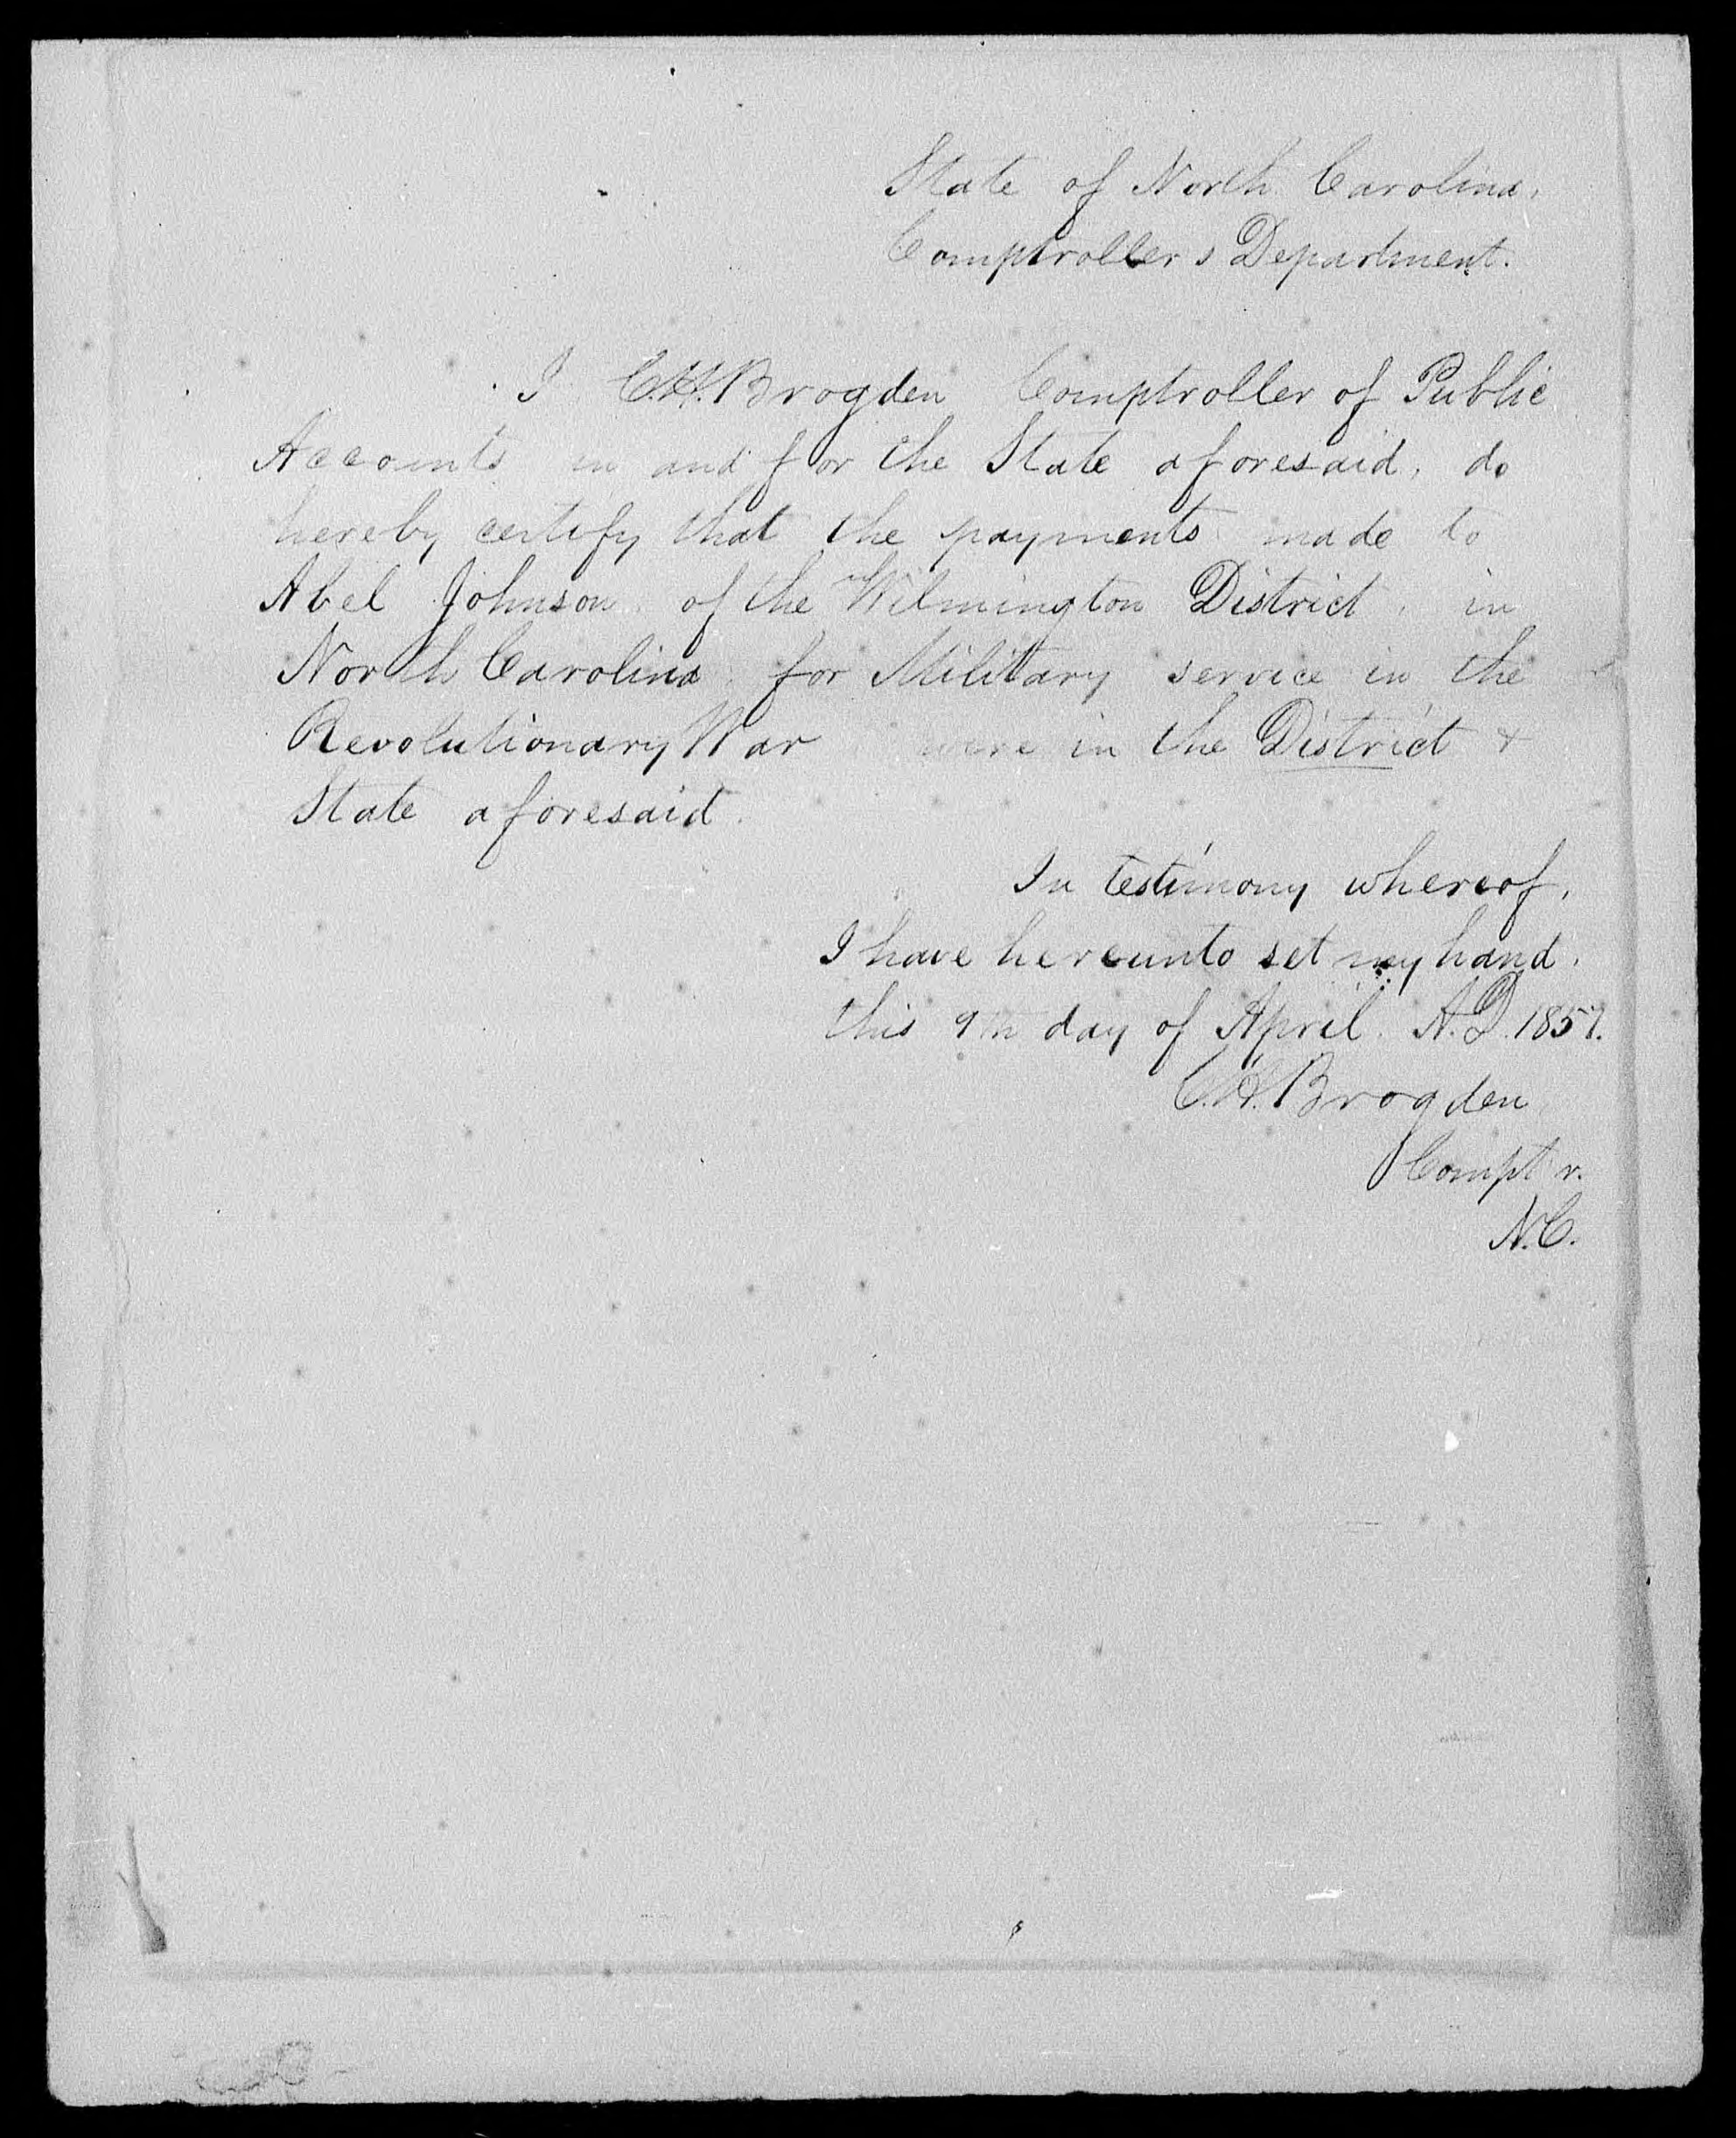State of North Carolina 
Comptroller’s Department

I, C. H. Brogden, Comptroller of Public Accounts in and for the State aforesaid, do hereby certify that the payments made to Abel Johnson of the Wilmington District in North Carolina for military service in the Revolutionary War were in the District and State aforesaid.
In testimony whereof I have hereunto set my hand this 9th day of April A.D. 1857
C.H. Brogden, Comptroller, North Carolina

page: 38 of 74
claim: rejected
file: R. 5600, for Abel Johnson, North Carolina